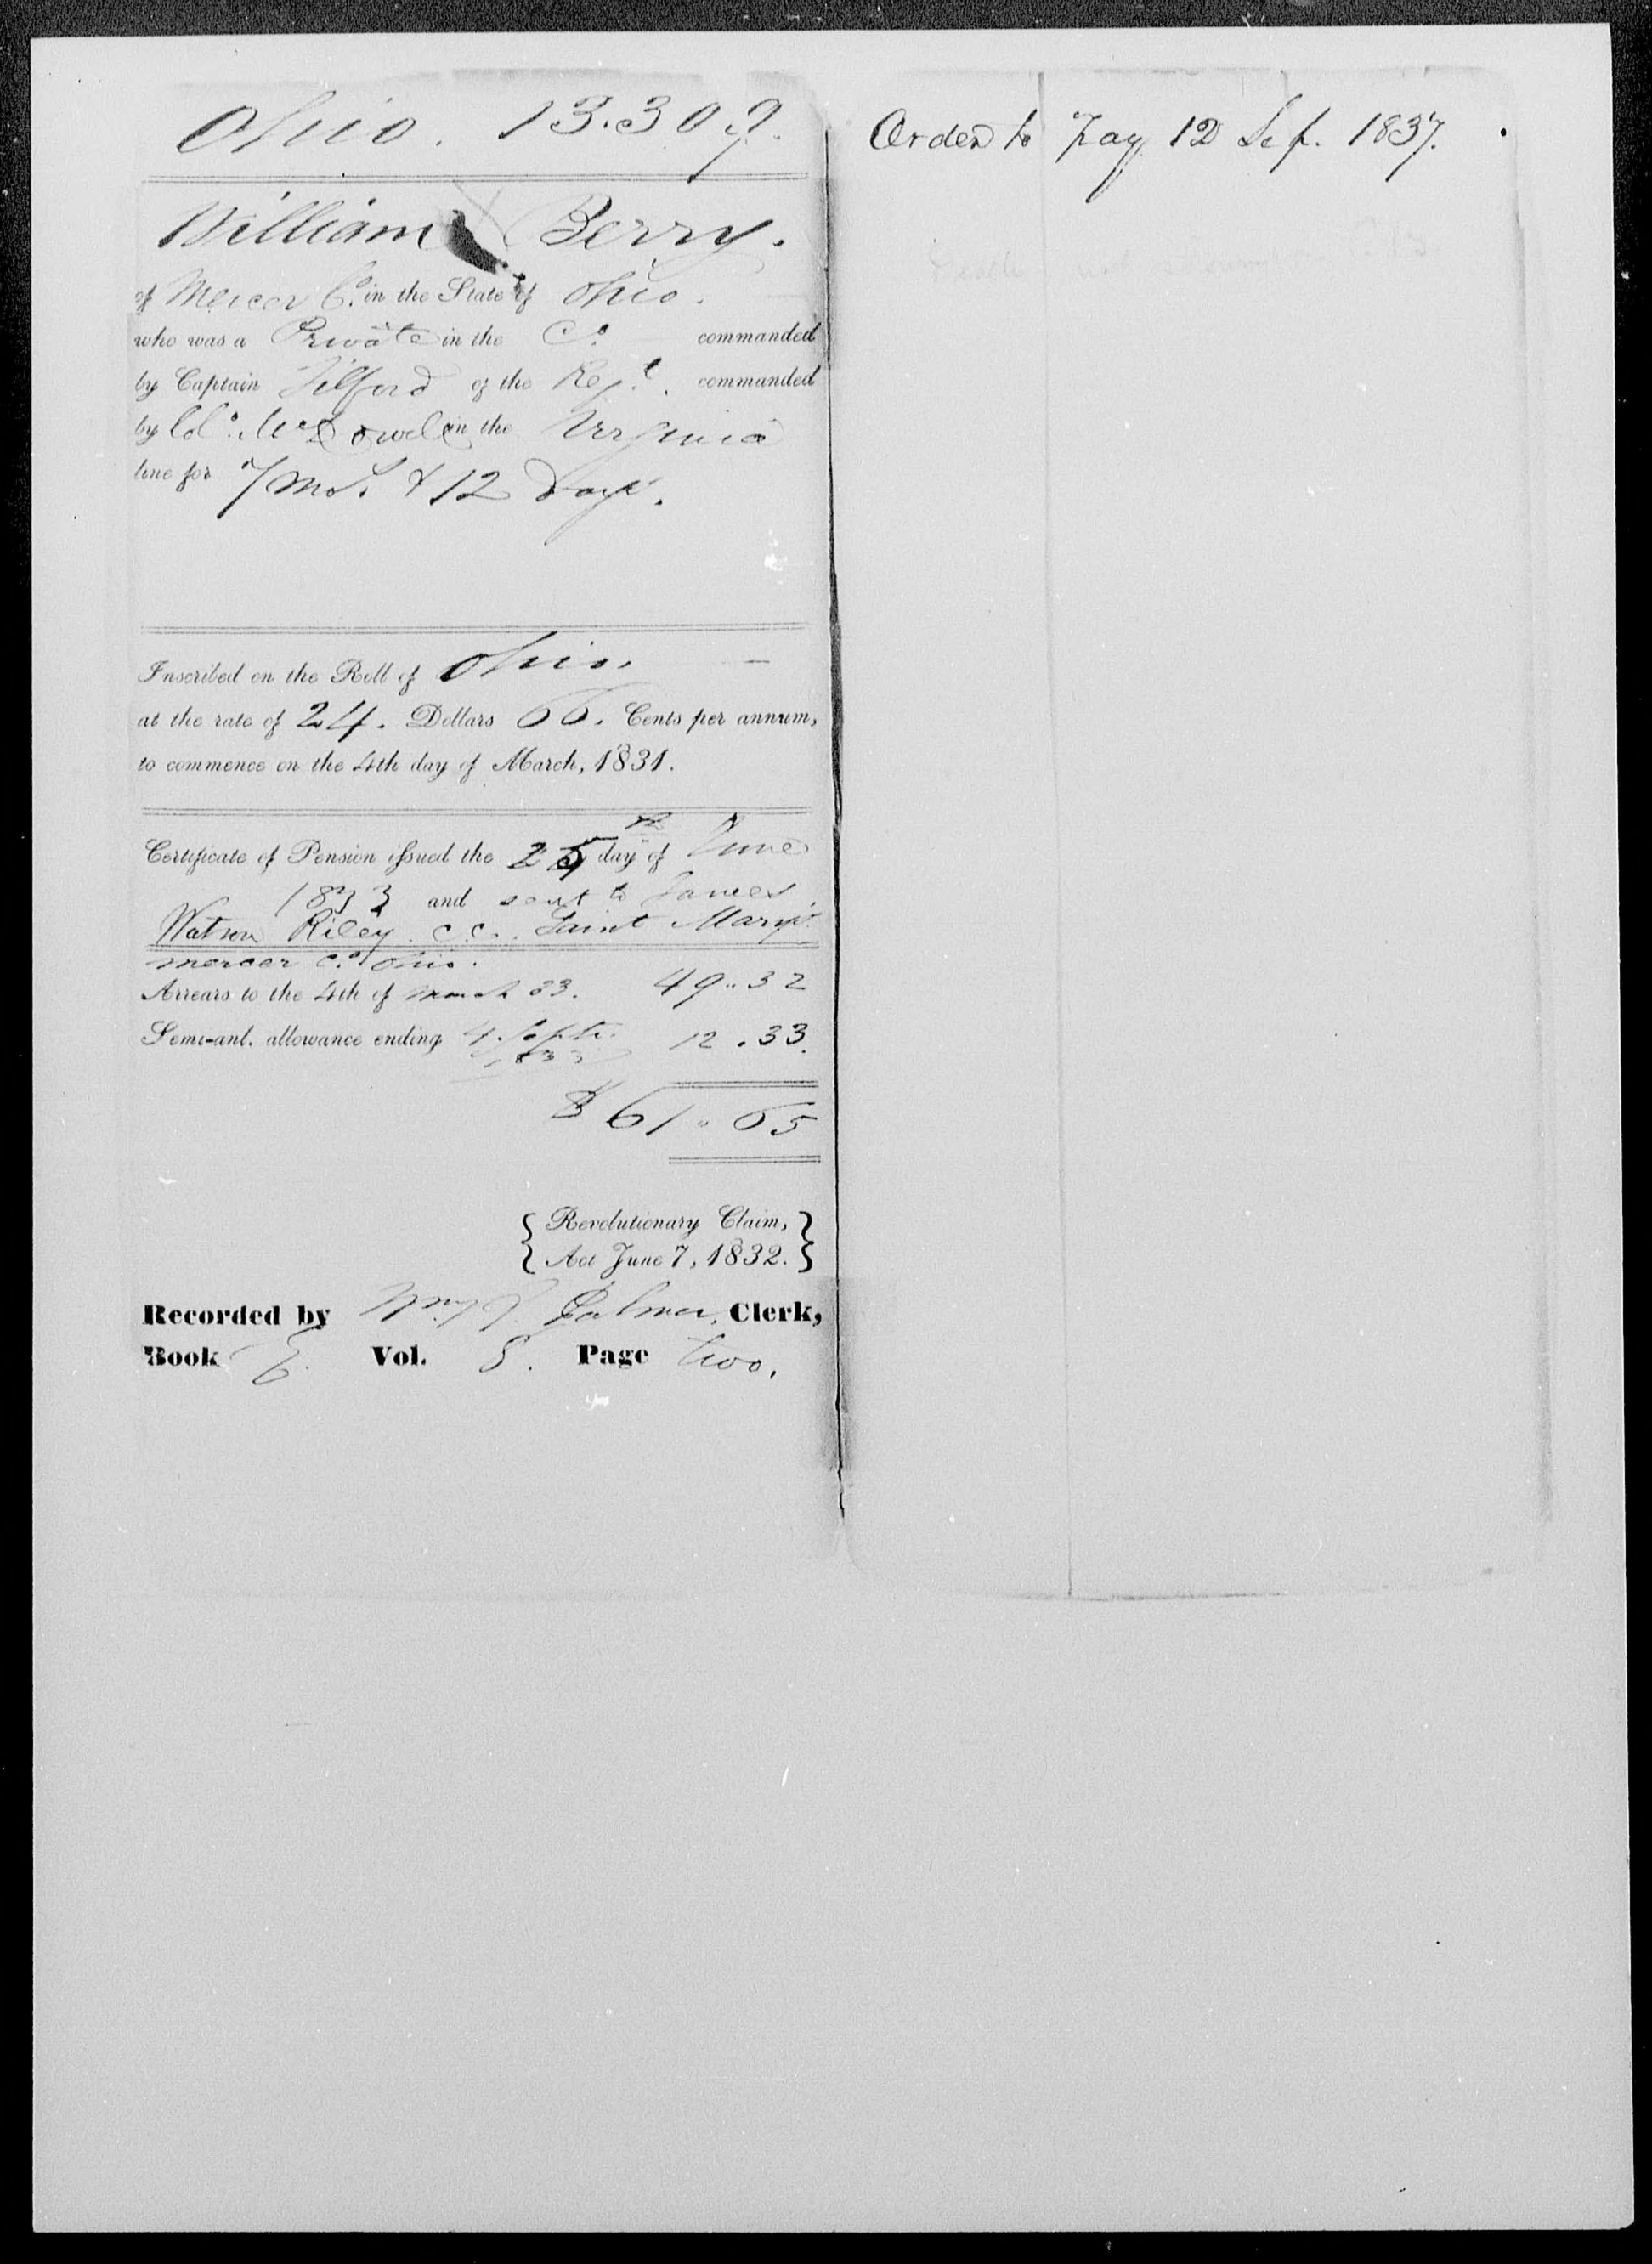[typed form, with handwritten responses] 

[left side] Ohio 13,309
William Berry
of Mercer Co. in the State of Ohio who was a private in the Co. commanded by Captain Tilford [Telford] of the Regt. commanded by Col. McDowell, in the Virginia line for 7 mos. & 12 days.

Inscribed on the Roll of Ohio
at the rate of 24. Dollars 66 Cents per annum, to commence on the 4th day of March 1831.

Certificate of Pension issued the 24th day of June 1833 and sent to James Watson Riley C. C. Saint Mary’s Mercer Co. Ohio.

Arrears to the 4th of March 33 49.32
Semi=anl. [annual] allowance ending 4 Sept. 1833 12.33
$61.65

{Revolutionary Claim}
{Act June 7, 1832}

Recorded by Wm R Palmer, Clerk,
Book E Vol. 8 Page two

[right side] Order to pay 12 Sep. 1837
Death not on AB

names: Tilford, William Berry, Mc Dowell, James Watson Riley, Wm R Palmer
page: 2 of 21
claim: survivor's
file: S. 2,371, William Berry, Va.